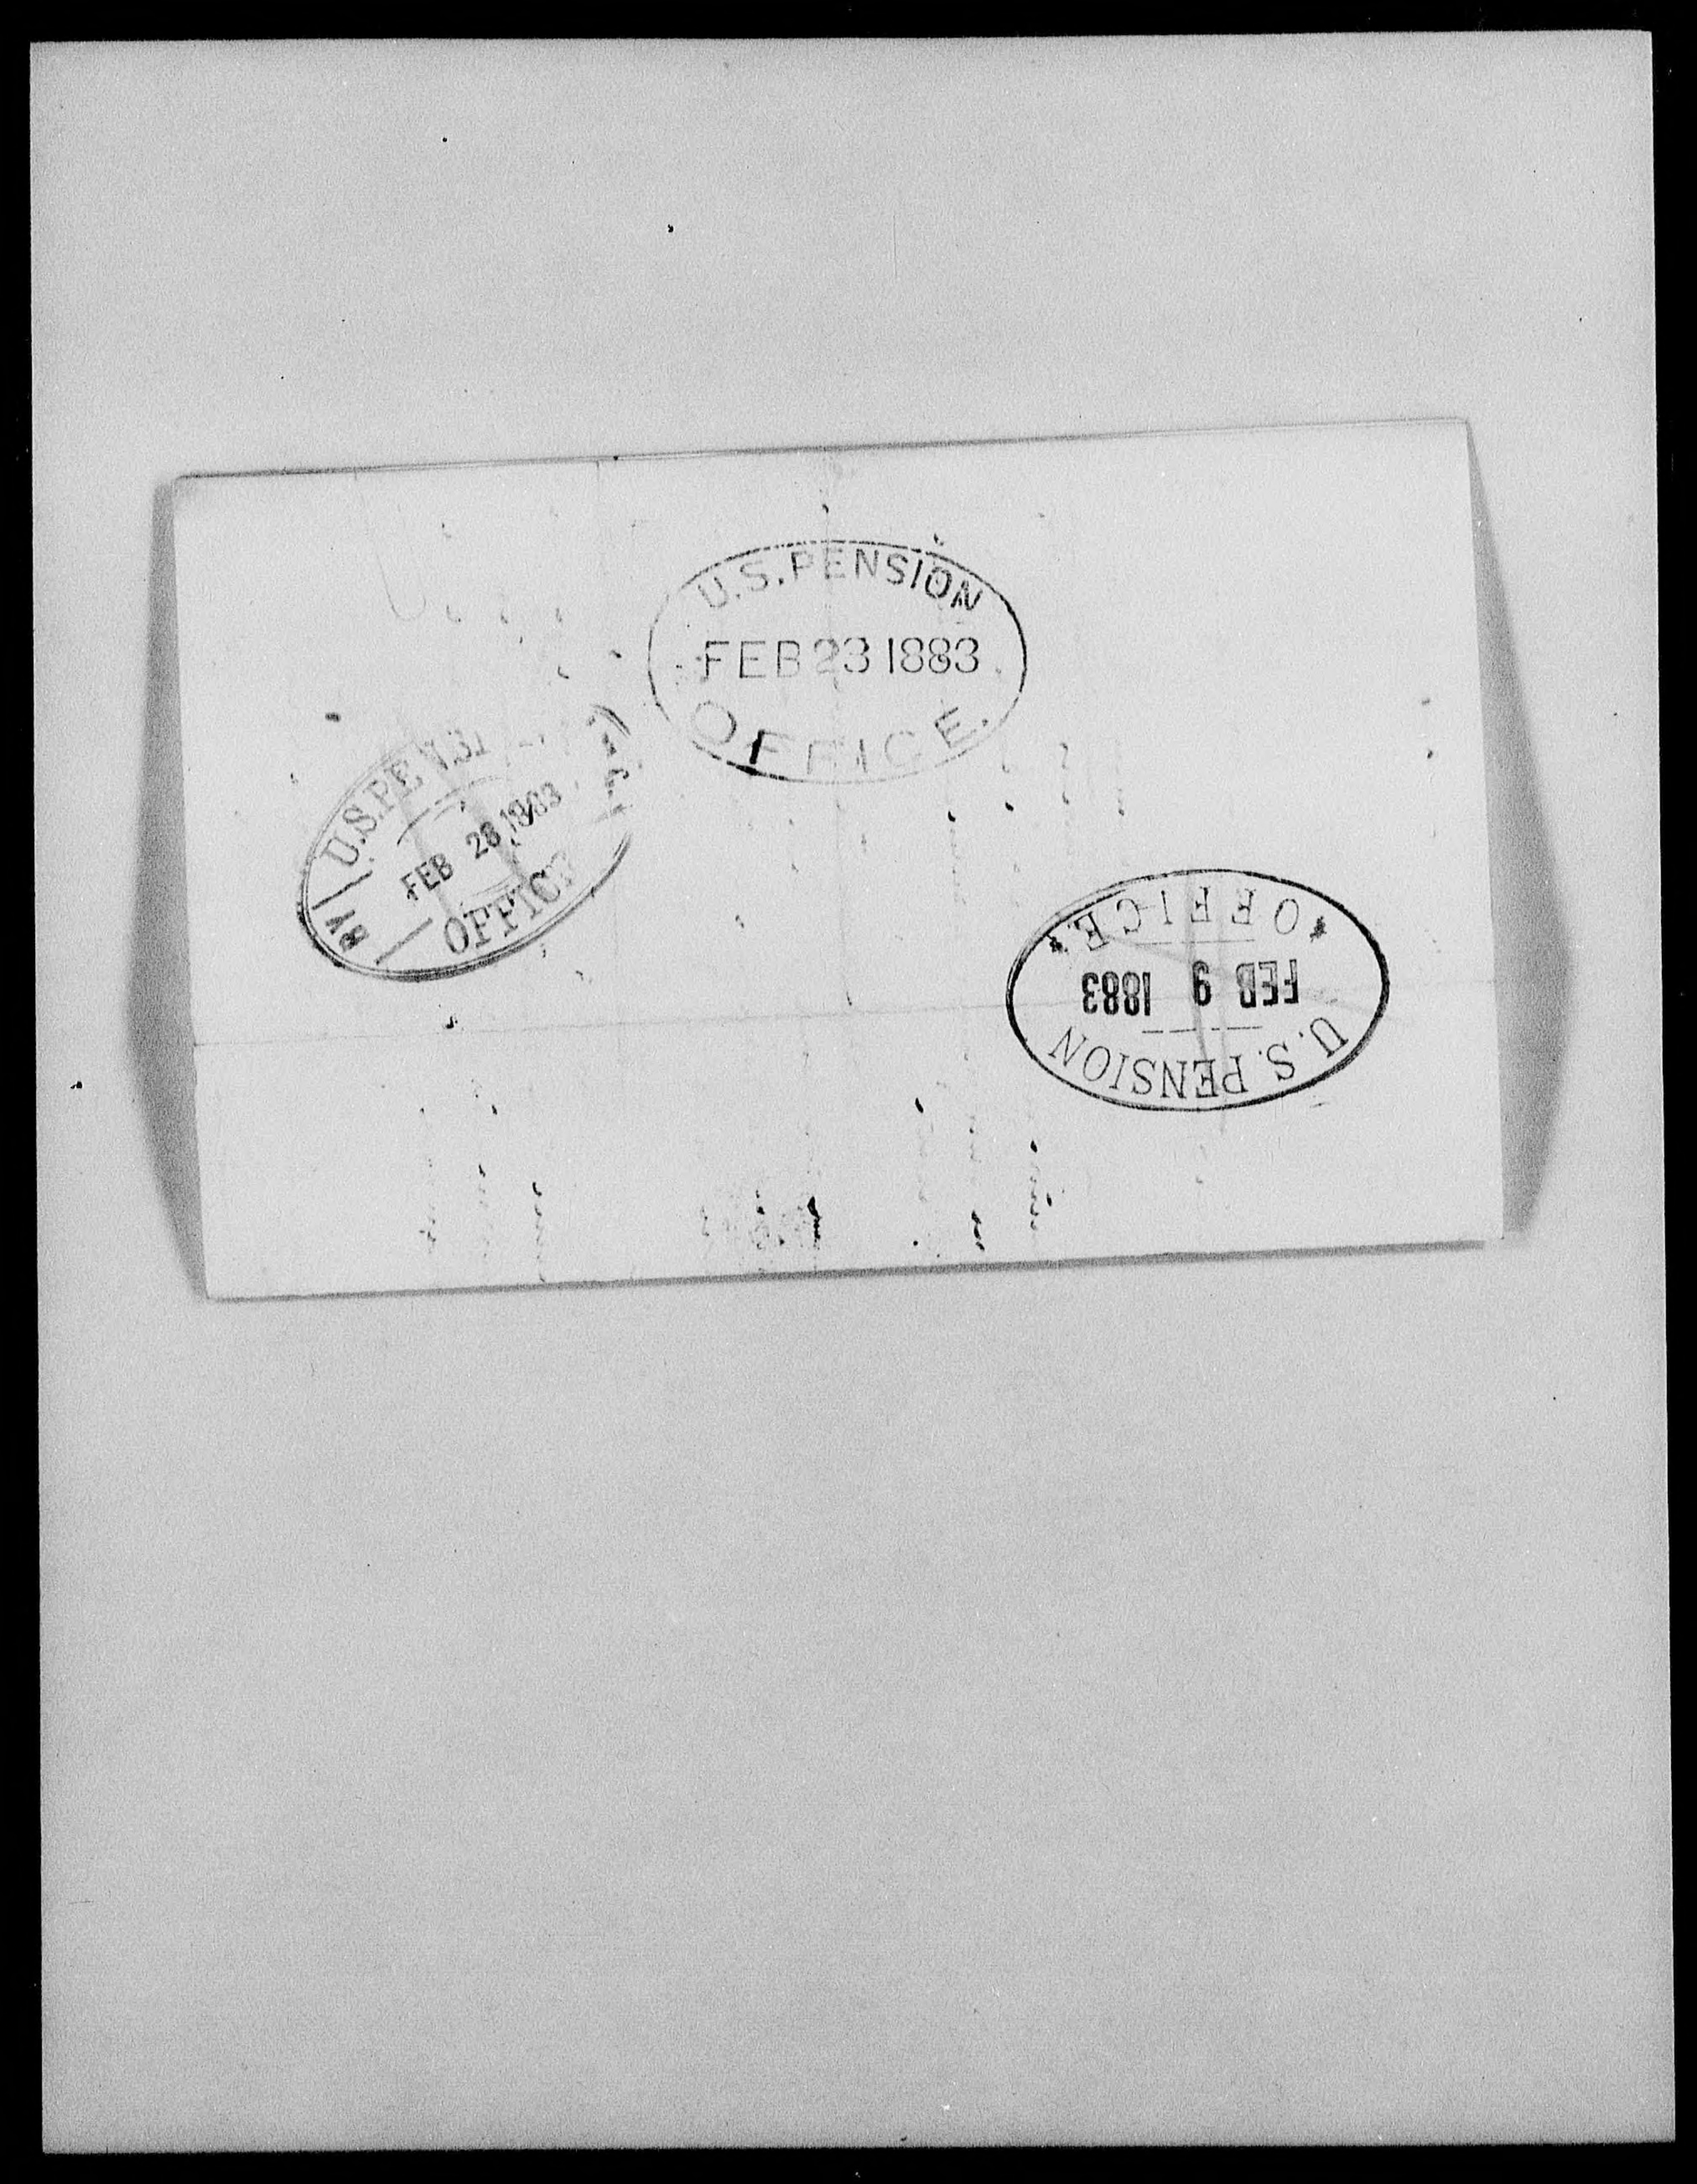Oval Black Stamp:
U.S. PENSION OFFICE FEB 23 1883
Oval Black Stamp:
U.S. PENSION OFFICE
FEB 28 1883
BY [ILLEGIBLE]
Oval Black Stamp
U.S. PENSION OFFICE
FEB 9 1883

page: 57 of 62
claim: widow's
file: W. 765, for Richard L Jones, Connecticut